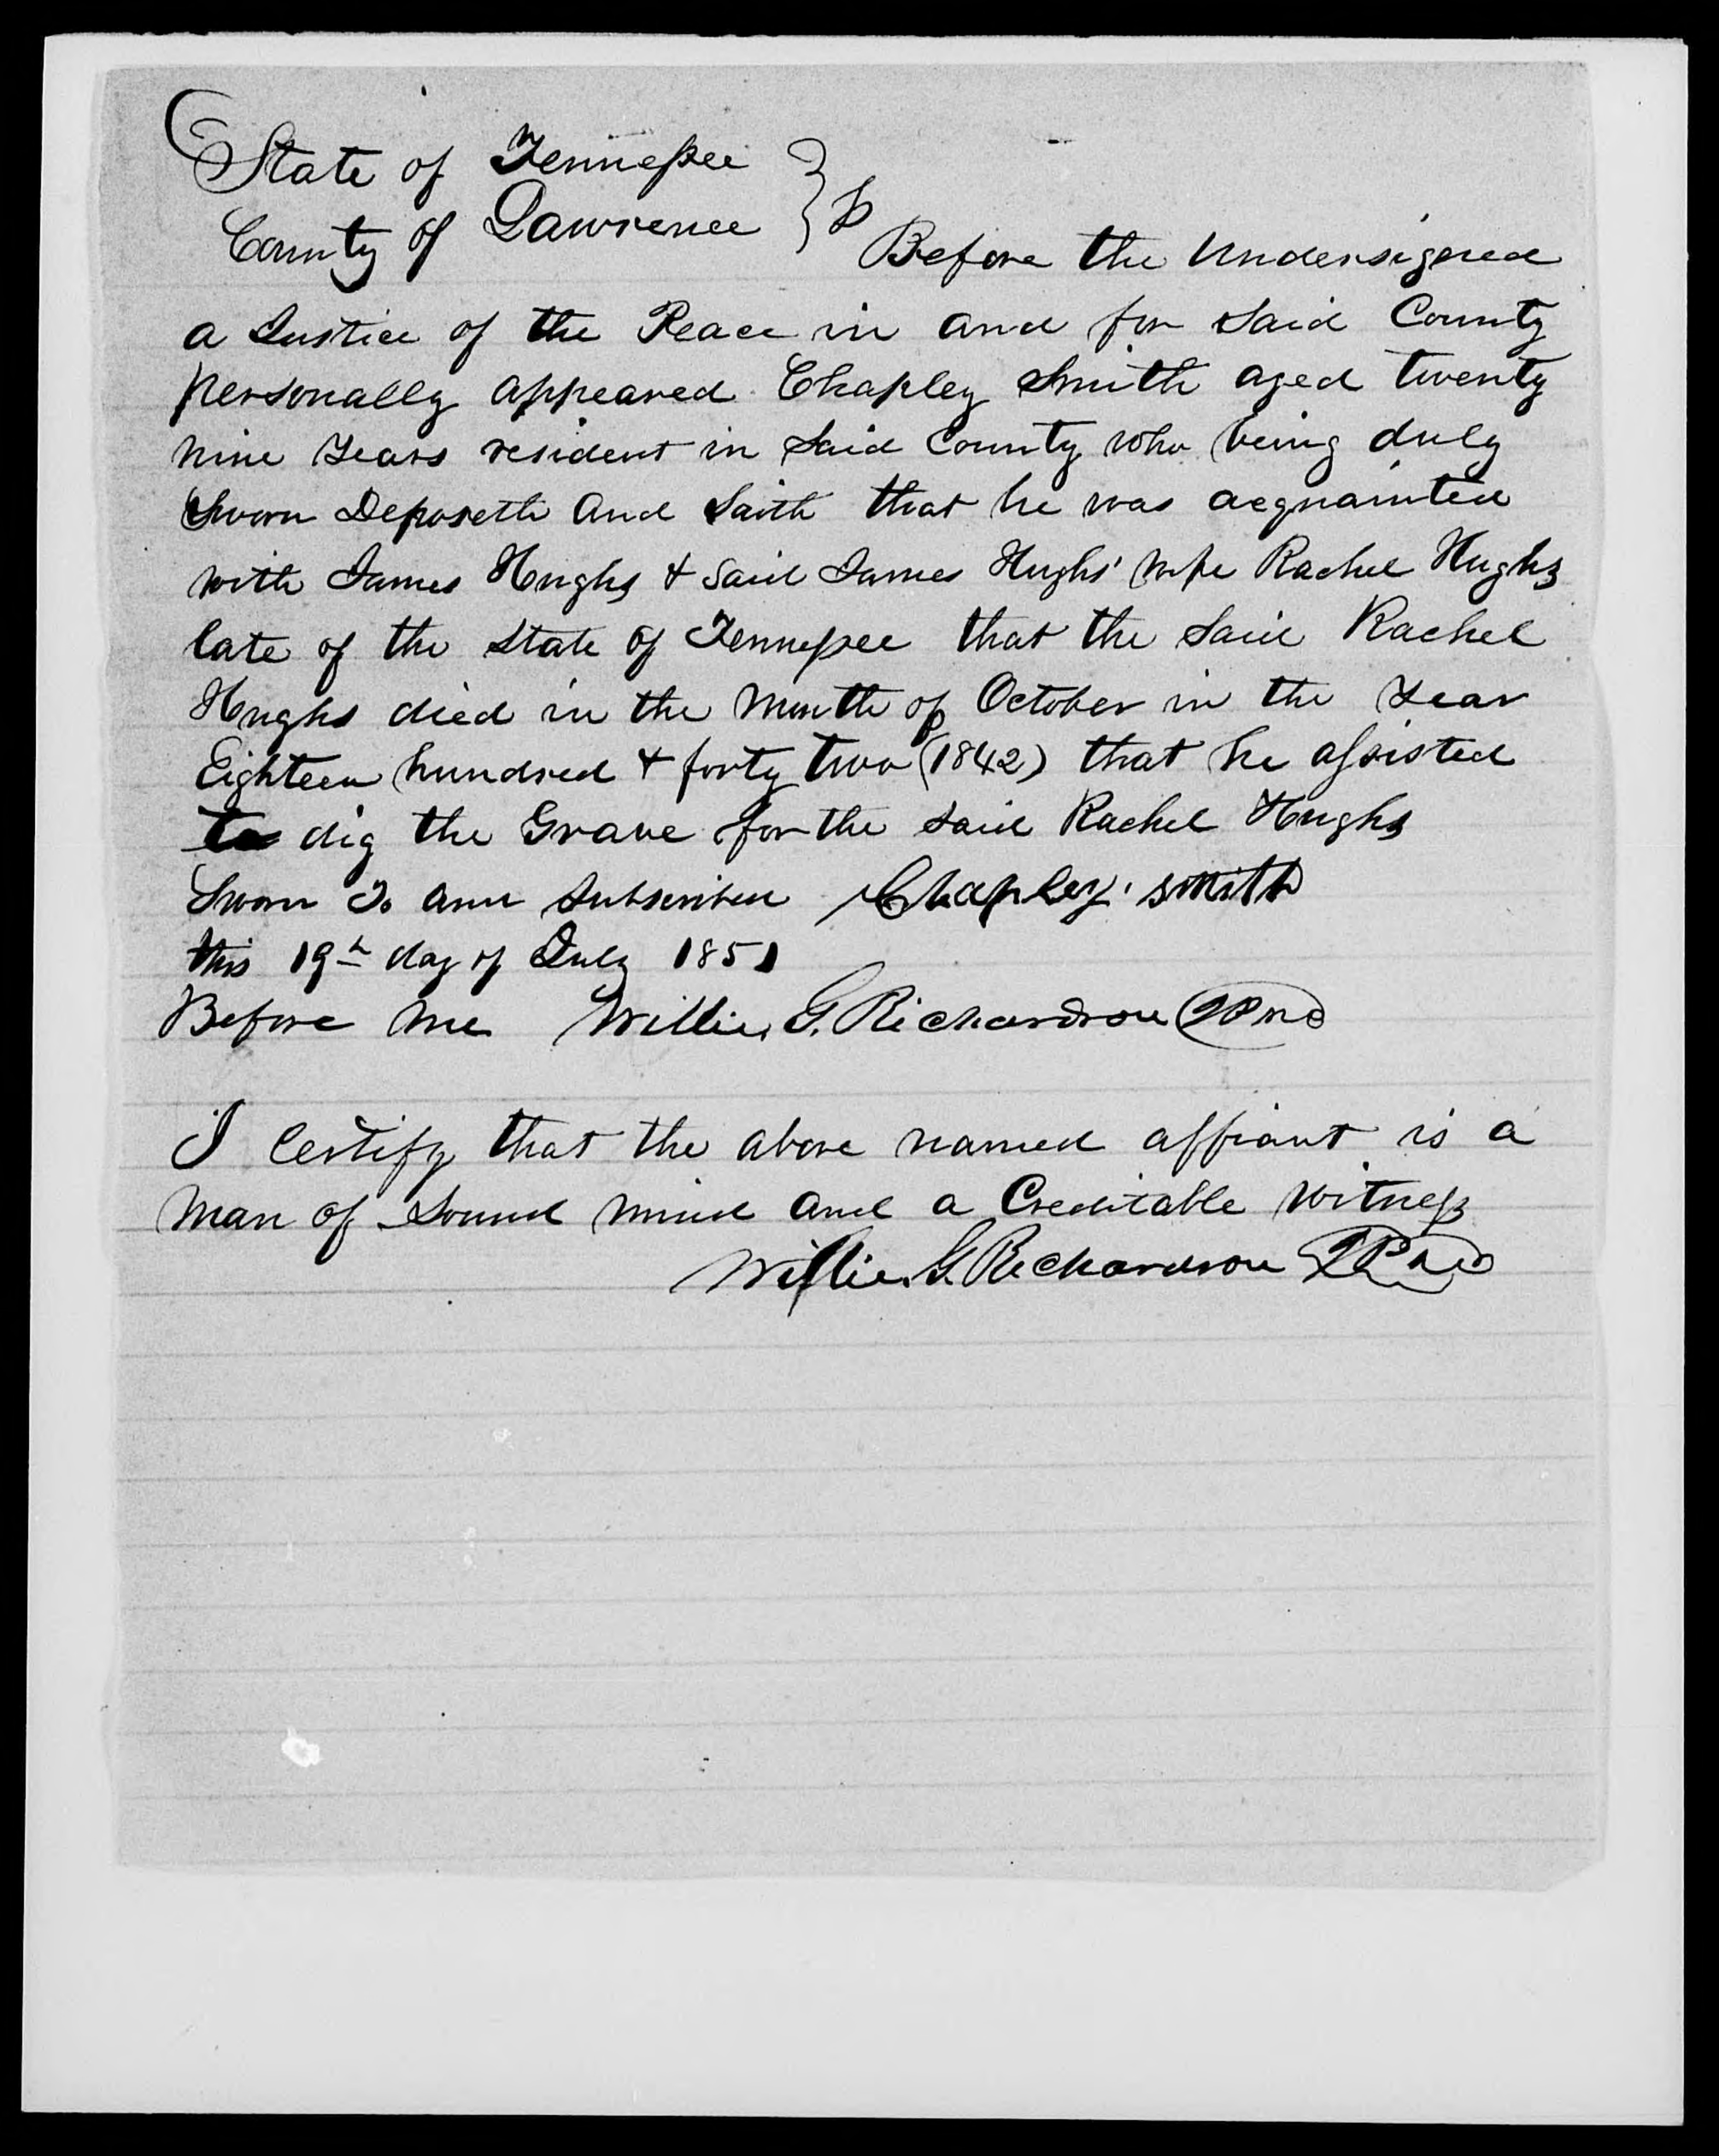State of Tennessee  }
County of Lawrence} SS    Before the undersigned a Justice of the Peace in and for said County personally appeared Chapley Smith aged Twenty nine years resident in said County who being duly sworn deposeth and saith that he was acquainted with James Hughes & said James Hughes' wife Rachel Hughes late of the State of Tennessee that said Rachel Hughes died in the month of October in the Year eighteen hundred & forty two (1842) that he assisted to dig the grave for the said Rachel Hughes.
 Sworn to and subscribed      (signature) Chapley Smith
 this 19th day of July 1851
Before me Willie G. Richardson JP 

I certify that the above named affiant is a man of sound mind and a creditable witness.
Willie G. Richardson JP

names: Chapley Smith, James Hughs, Rachel Hughs, Willie G Richardson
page: 13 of 24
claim: rejected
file: R. 5342, James Hues, N.C.